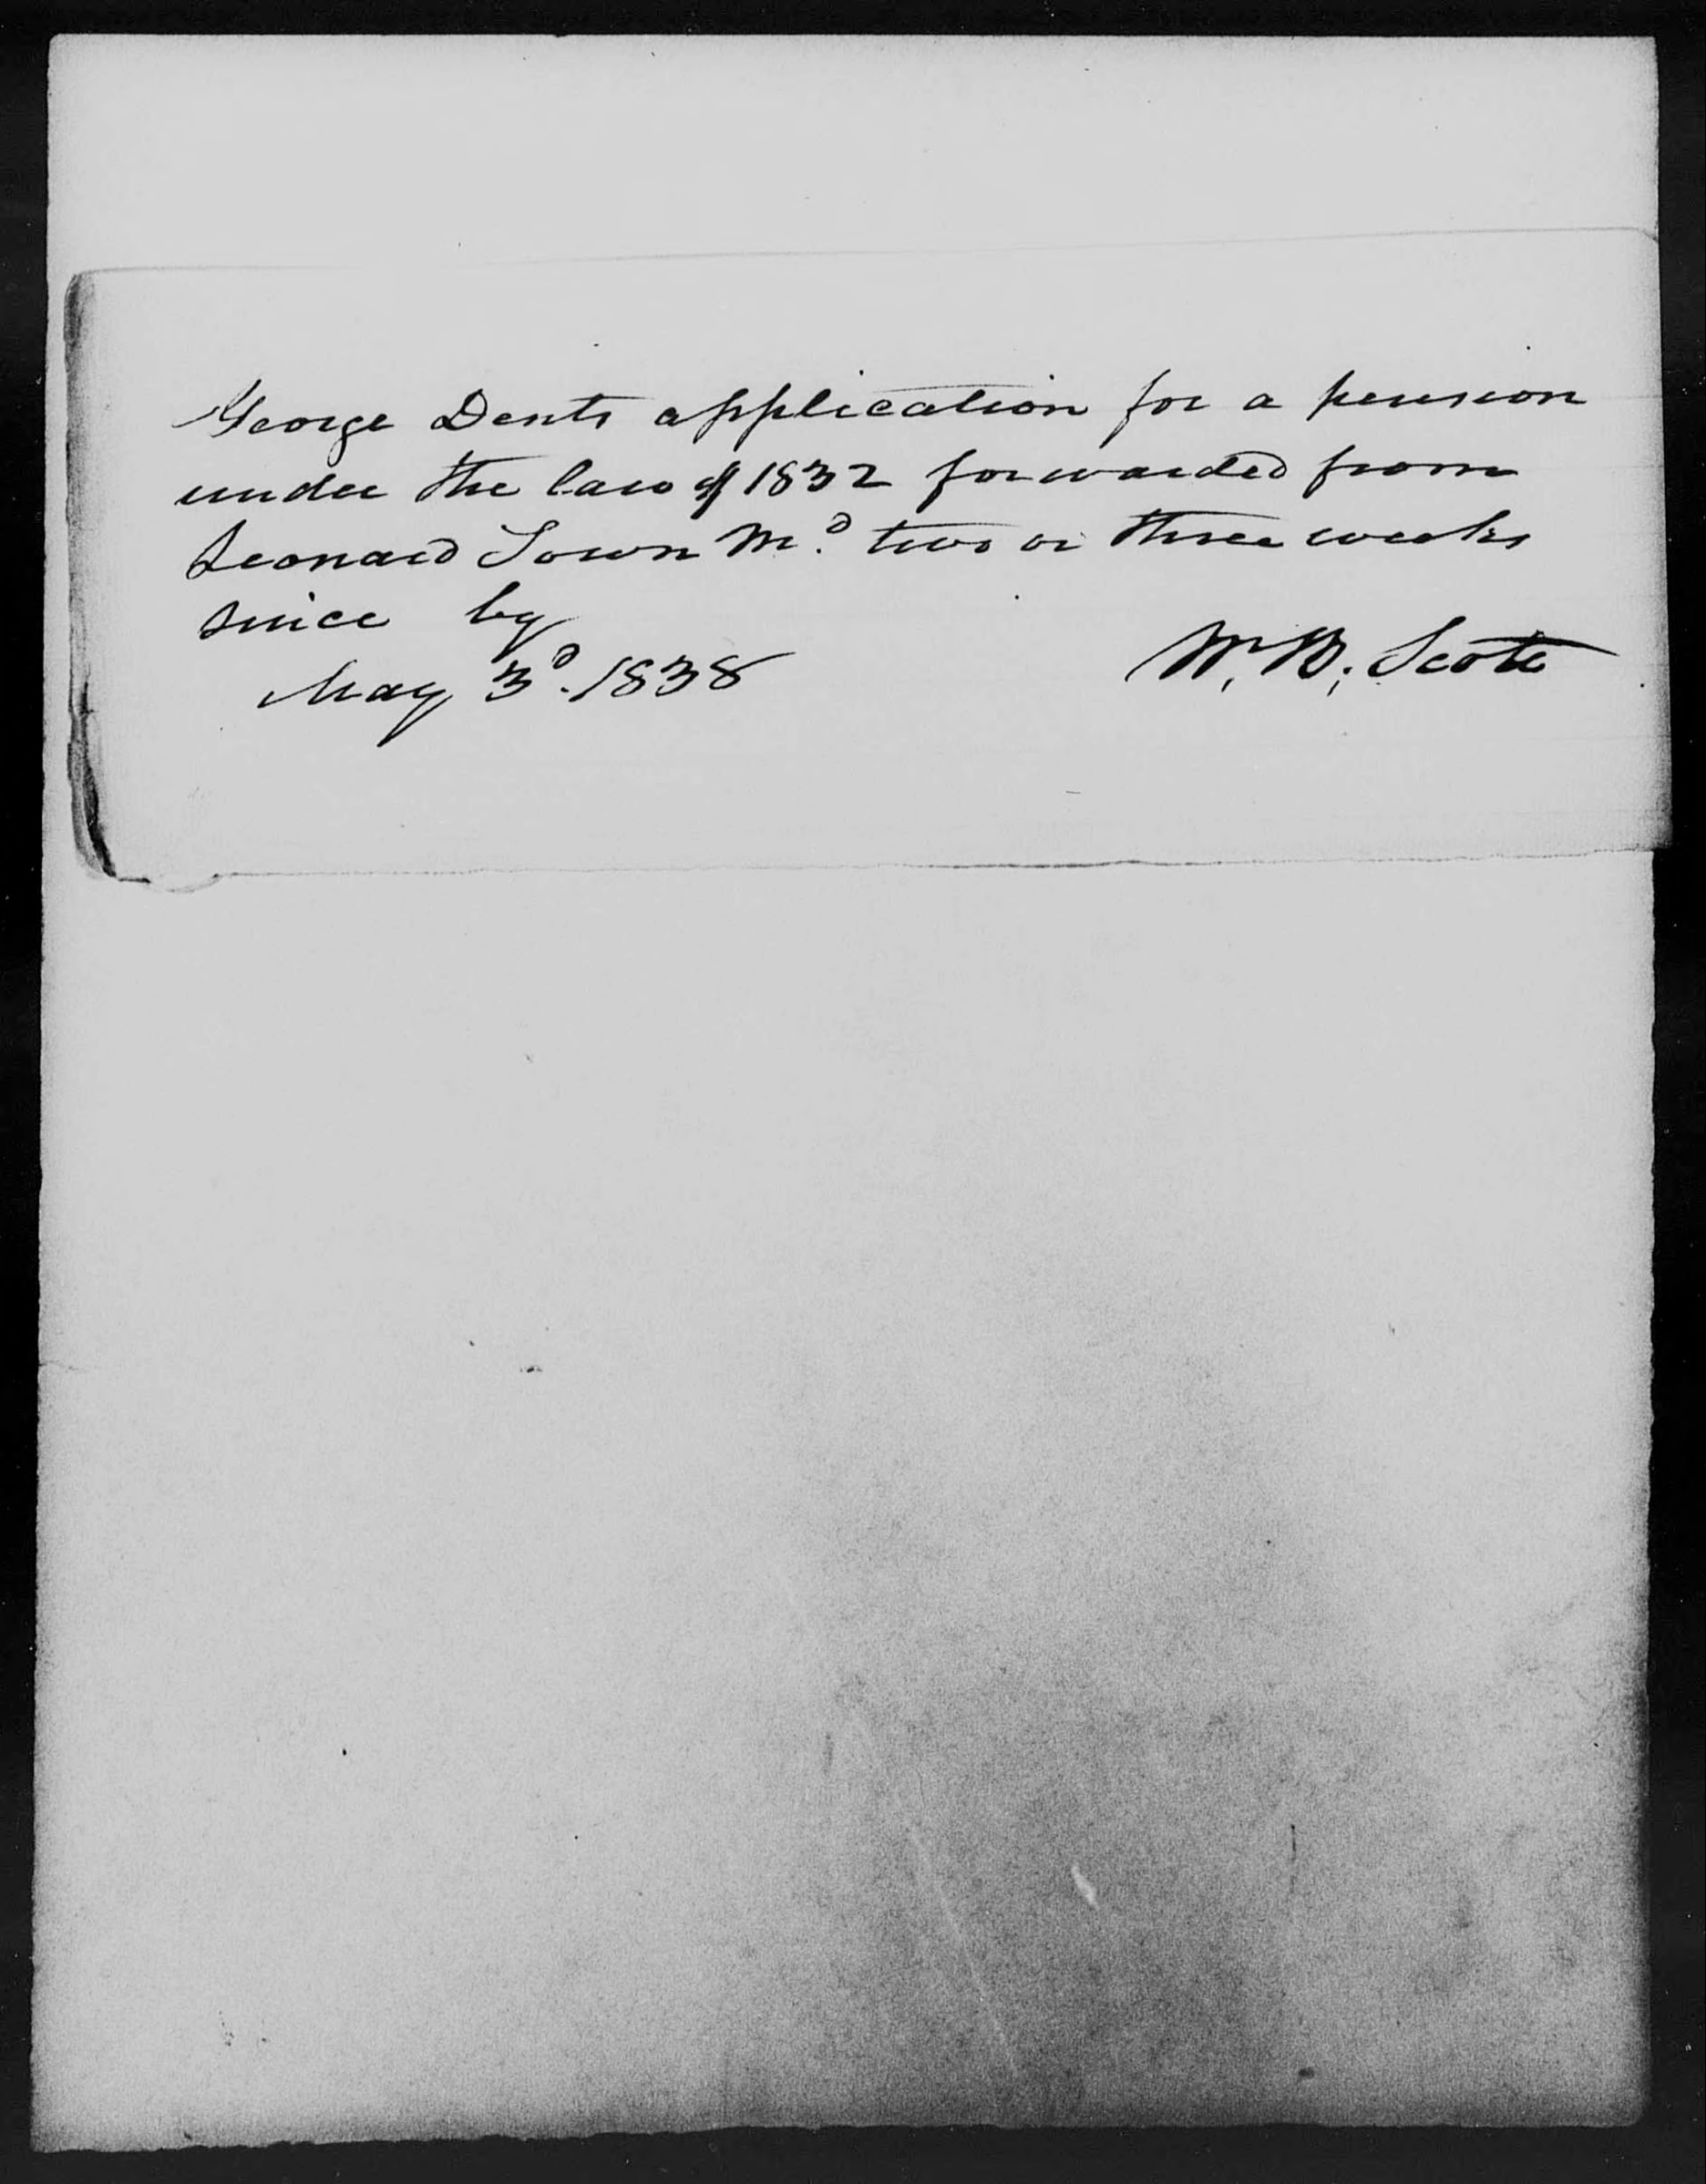George Dents application for a pension der the law of 1832 forwarded from Leonard Town Md two or three weeks since by 
May 3d 1838 
W. B. Scott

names: George Dents, W B Scott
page: 17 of 49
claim: survivor's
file: S. 12755, George Dent, Md.